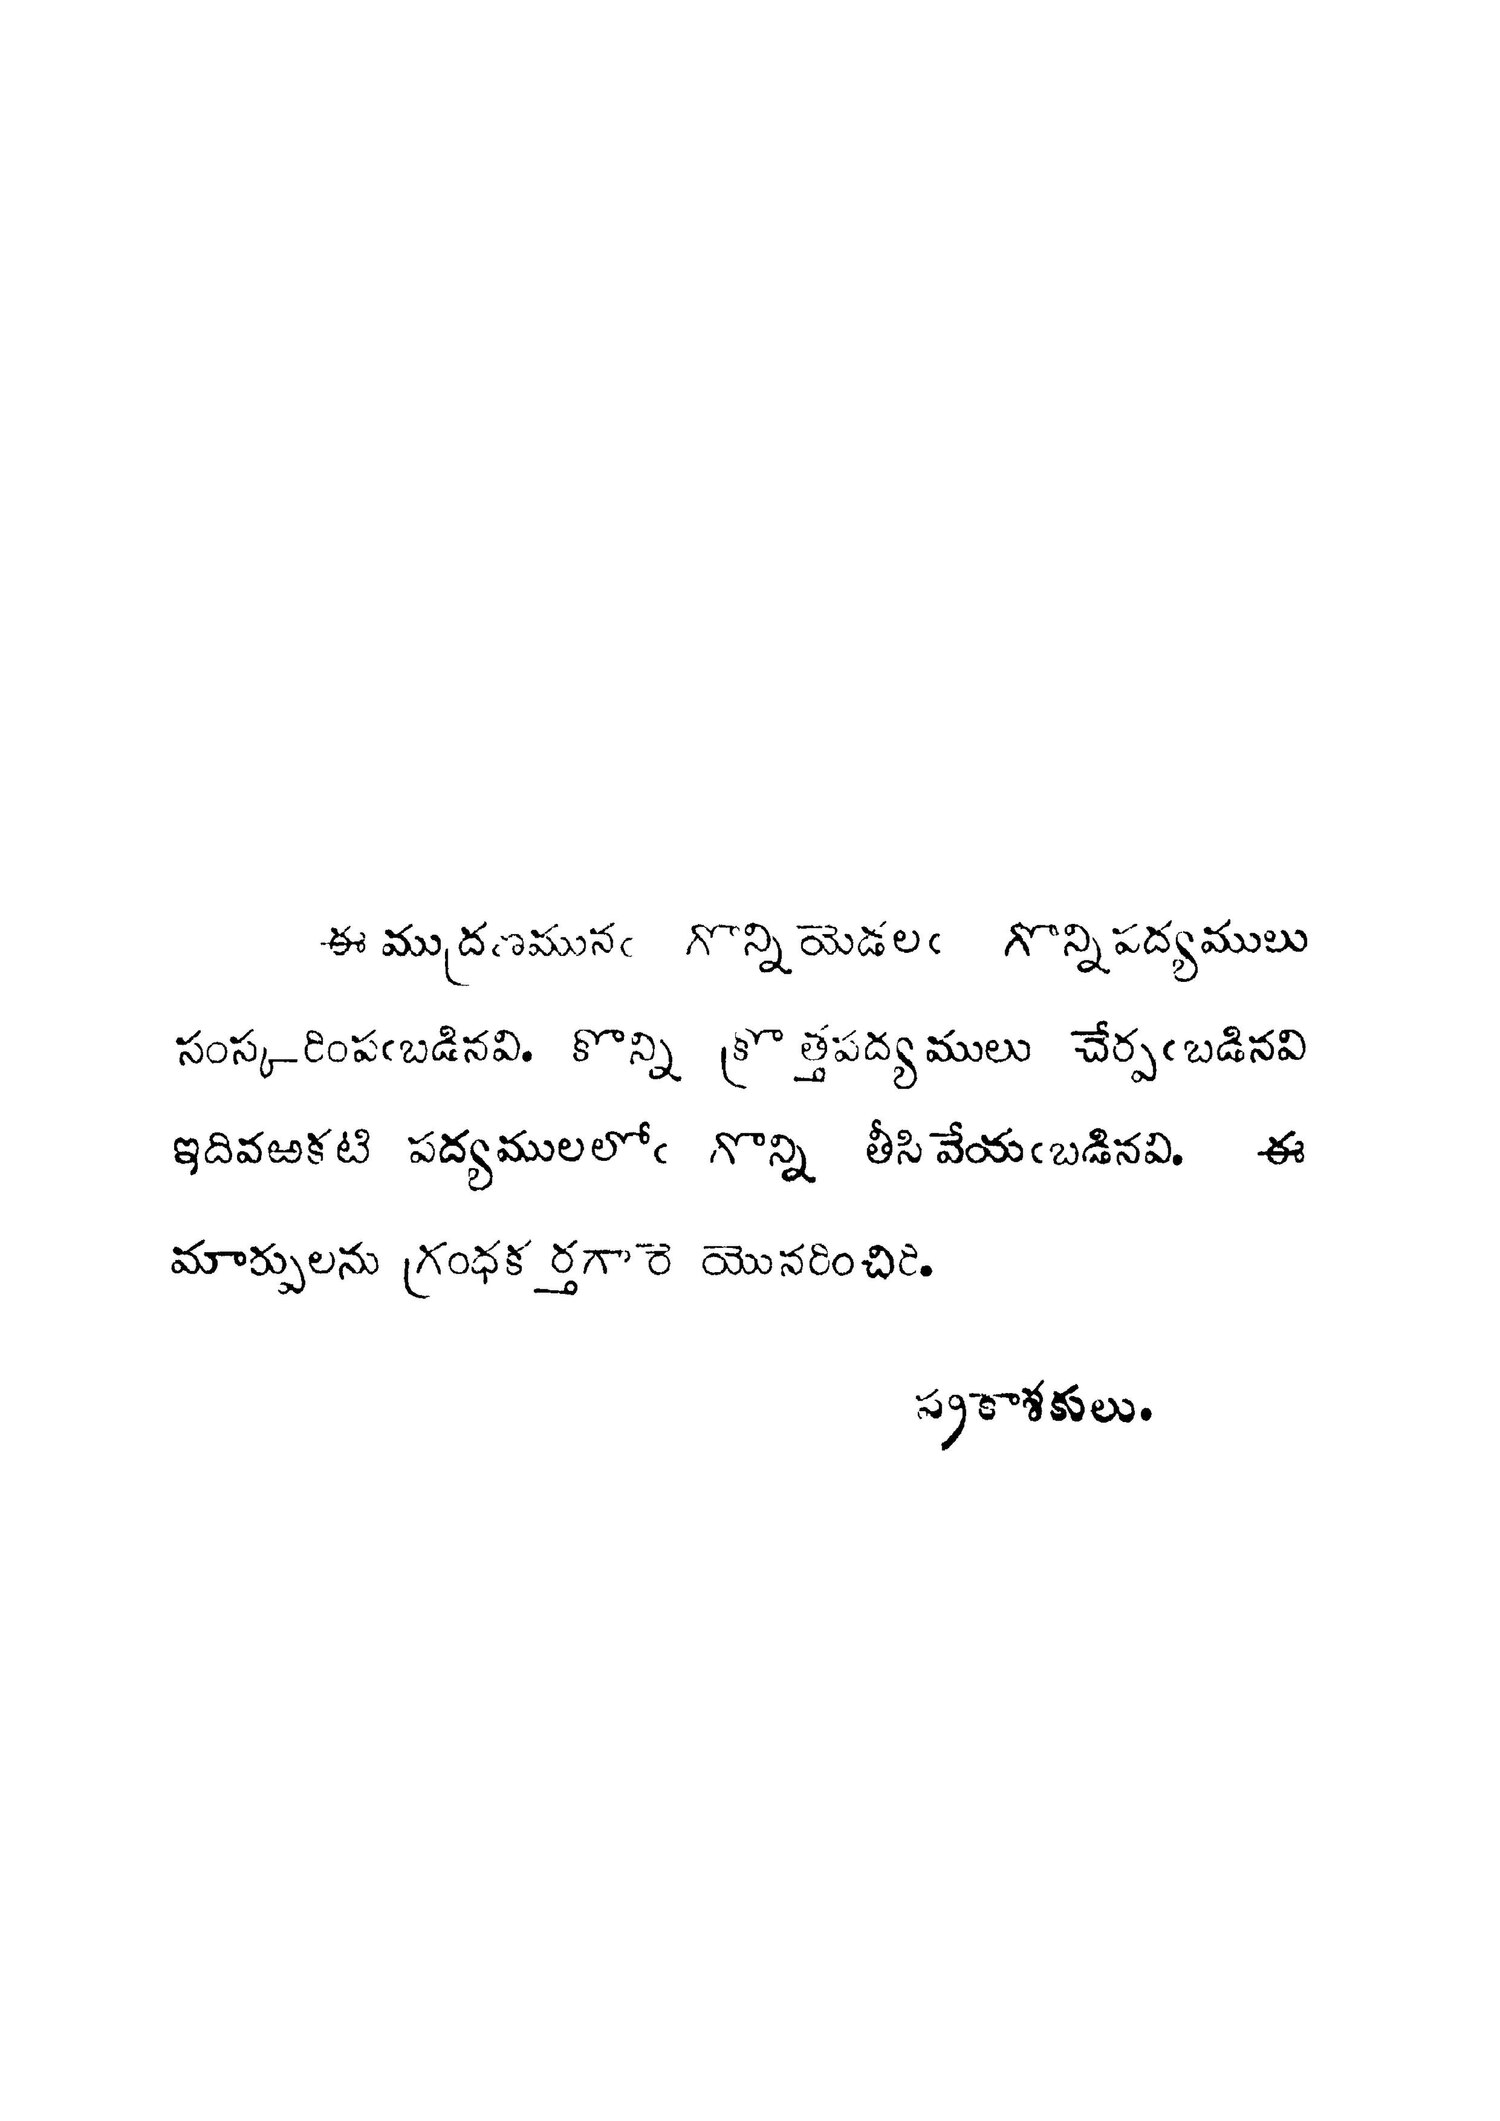ఈ ముద్రణమున గొన్నియెడల గొన్నిపద్యములు సంస్కరింపబడినవి. కొన్ని క్రొత్తపద్యములు చేర్పబడినవి. ఇదివఱకటి పద్యములలో గొన్ని తీసివేయబడినవి. ఈ మార్పులను గ్రంధకర్తగారె యొనరించిరి.

ప్రకాశకులు.